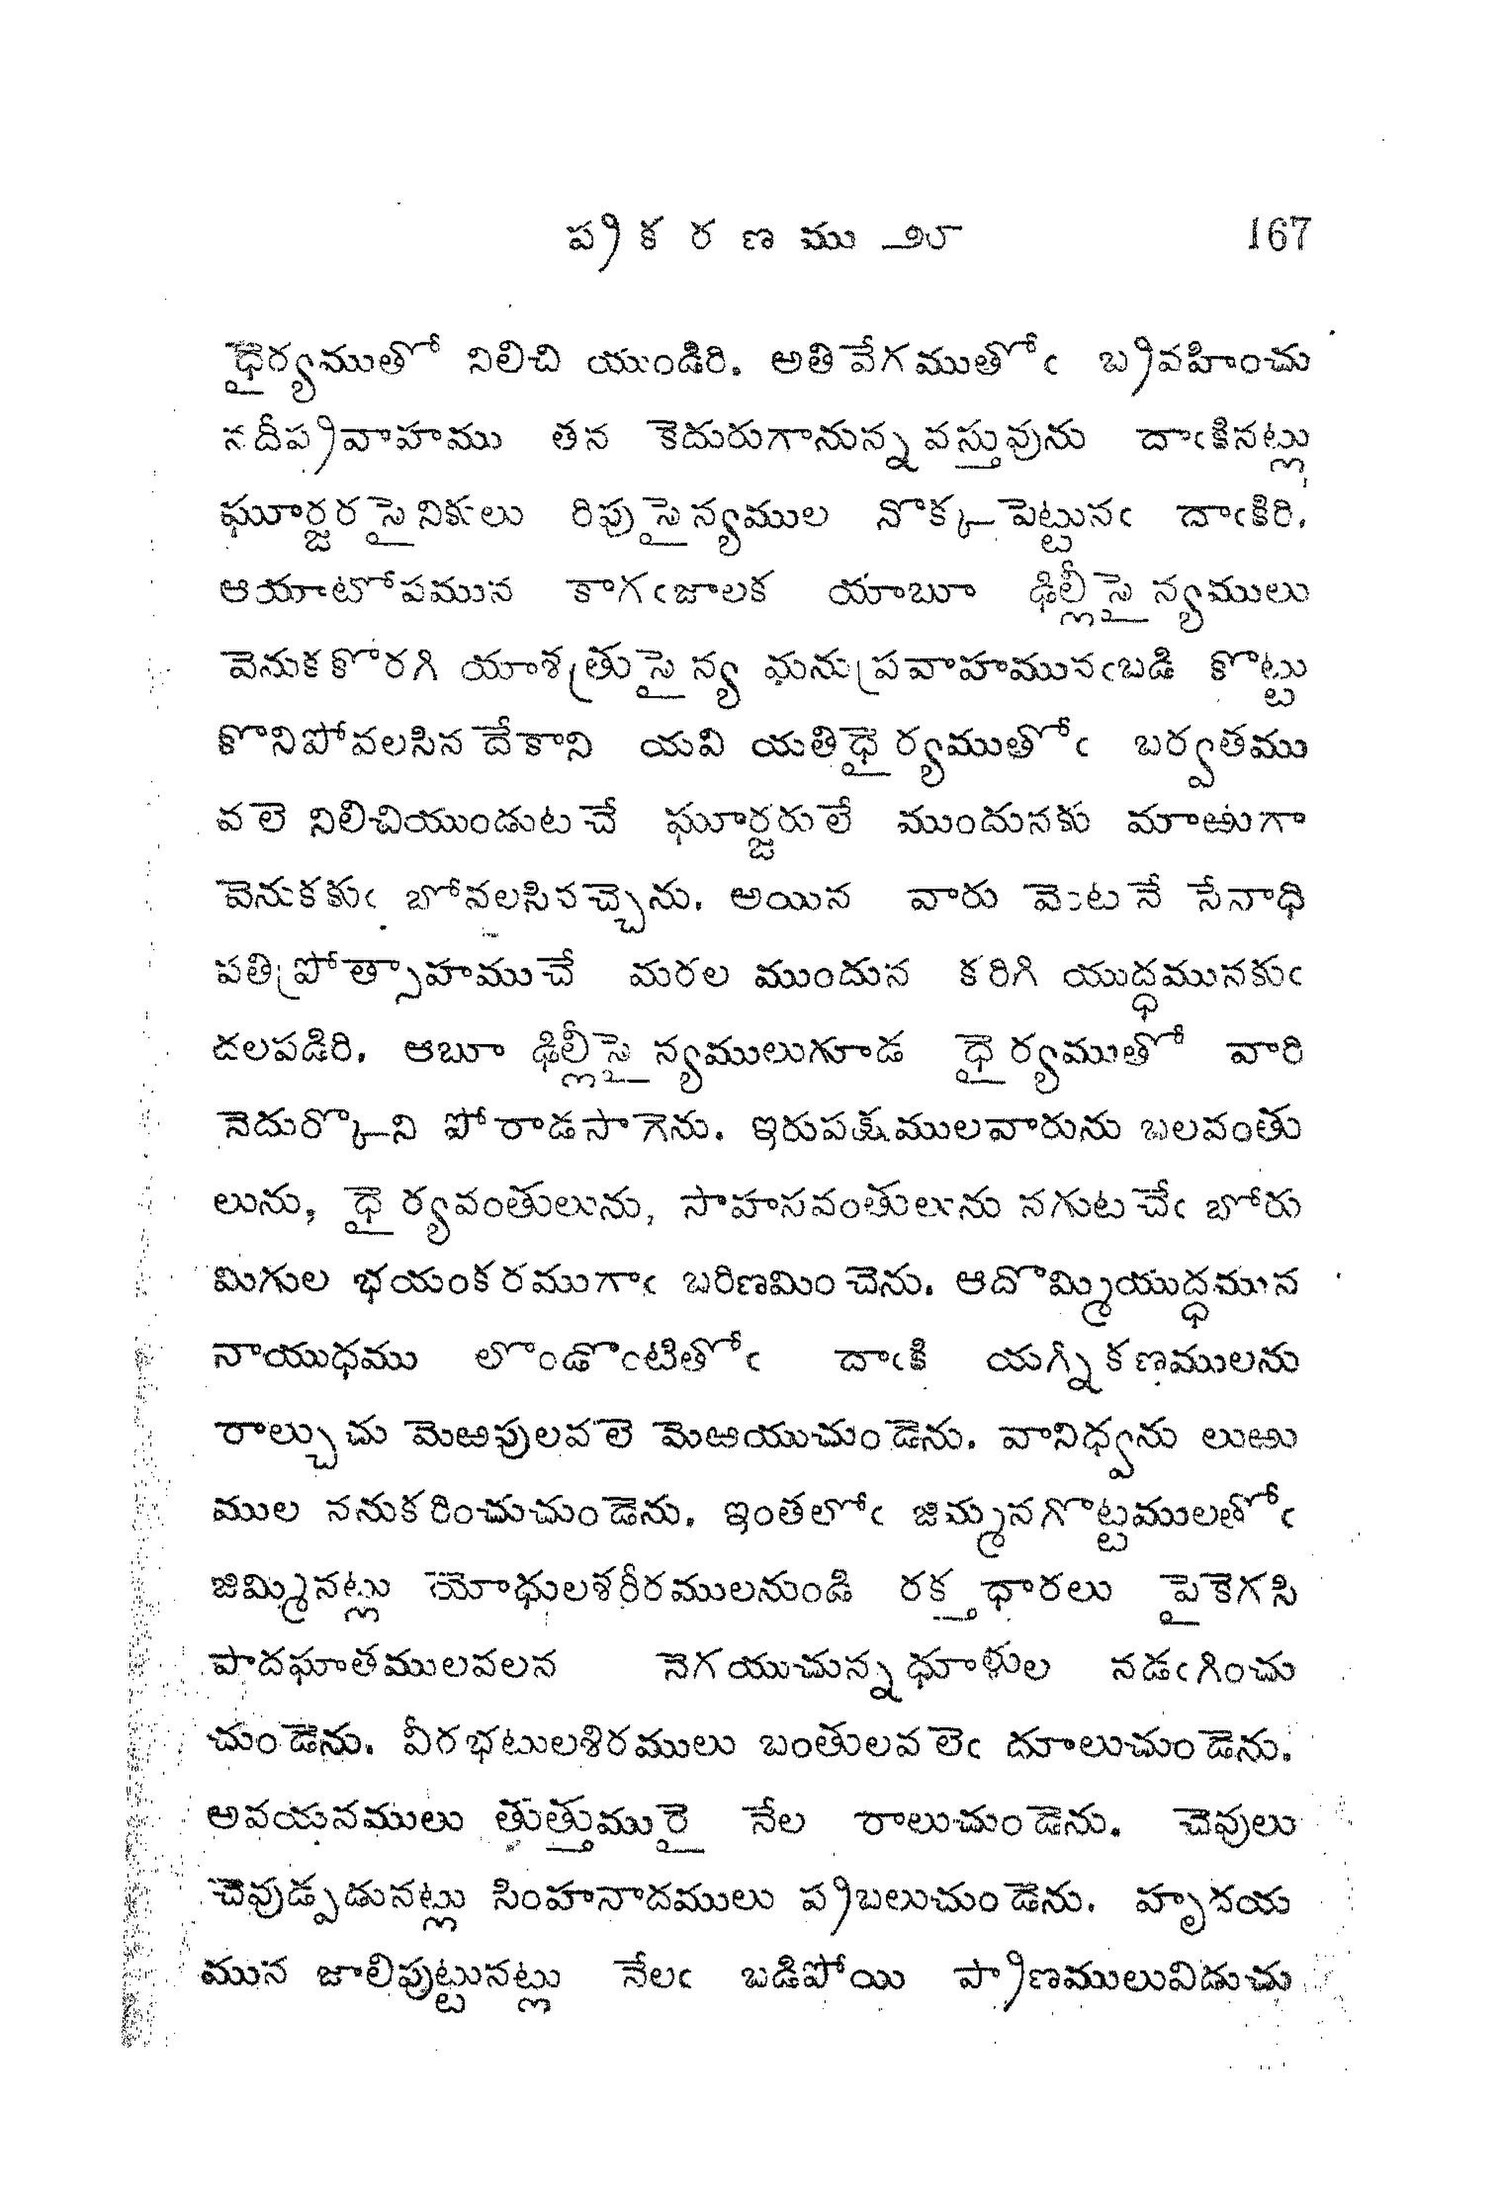ధైర్యముతో నిలిచి యుండిరి. అతి వేగముతోఁ బ్రవహించు '
నదీప్రవాహము తన కెదురుగానున్న వస్తువును దాఁకినట్లు
ఘూర్జర సైనిక లు రిపు సై న్యముల నొక్క పెట్టునఁ దాఁకిరి.
ఆయాటోపమున కాగఁజాలక యాబూ ఢిల్లీ సై న్యములు
వెనుక కొరగి యాశత్రుసై న్యమను ప్రవాహమునఁబడి కొట్టు
కొనిపోవలసిన దేకాని యవి యతి ధైర్యముతోఁ బర్వతము
వలె నిలిచియుండుట చే ఘూర్జరులే ముందునకు మాటుగా
వెనుకకుఁ బోనలసివచ్చెను. అయిన
వారు వెటనే సేనాధి
పతి ప్రోత్సాహము చే మరల ముందున కరిగి యుద్ధమునకుఁ
డలపడిరి, అబూ ఢిల్లీ సై న్యములుగూడ ధైర్యముతో వారి
నెదుర్కొని పోరాడసాగెను. ఇరుపక్షములవారును బలవంతు
లును, ధైర్యవంతులును, సాహసవంతులను నగుటచేఁ బోరు
మిగుల భయంకరముగాఁ బరిణమిం చెను. ఆదొమ్మి యుద్ధమున
నాయుధము లొండొంటితో
దాఁకి యగ్నికణములను
రాల్చుచు మెఱపులవలె మెరియుచుండెను. వానిధ్వను లురు
ముల ననుక రించుచుండెను. ఇంతలోఁ జిమ్మన గొట్టములతో
జిమ్మినట్లు యోధులశరీరములనుండి రక్త ధారలు పైకెగసి
పాదఘాతములవలన నెగయుచున్న ధూళుల నడఁగించు
చుండెను. వీరభటులశిరములు బంతులవ లెఁ దూలుచుండెను.
అవయనములు తుత్తుమురై నేల రాలుచుండెను. చెవులు
చెవుడ్పడునట్లు సింహనాదములు ప్రబలుచుండెను. హృదయ
మున జాలిపుట్టునట్లు నేలం బడిపోయి ప్రాణములువిడుచు